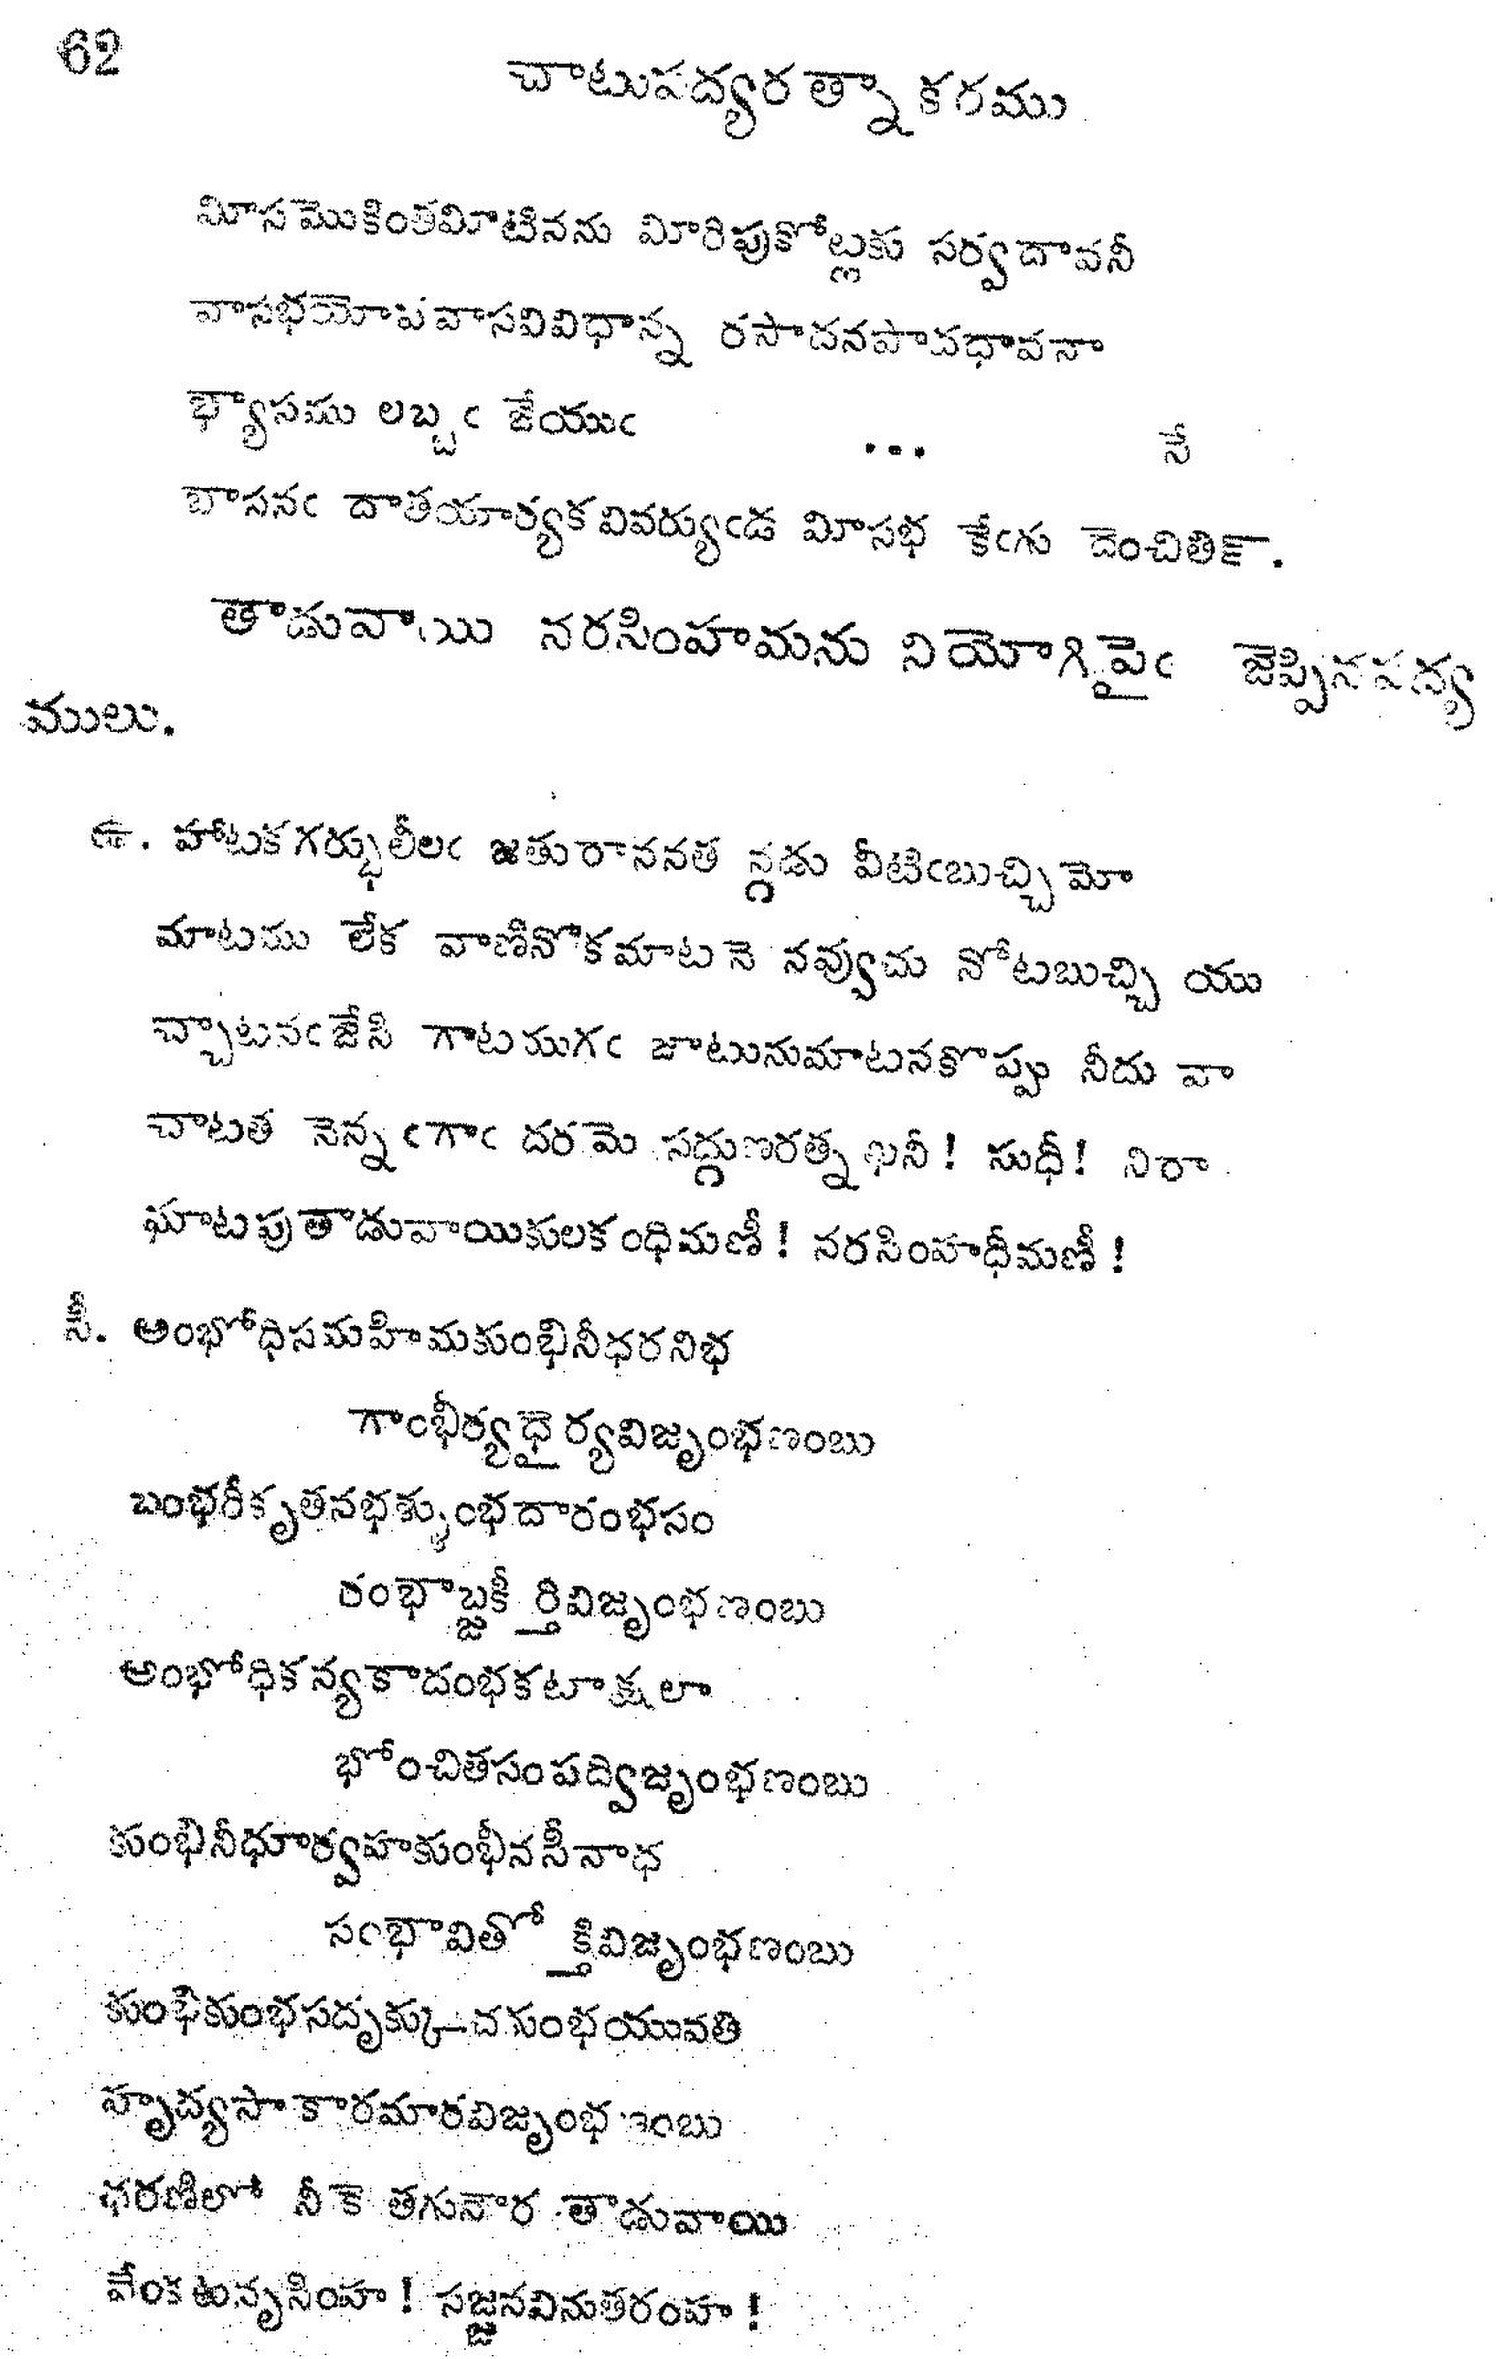మీస మొకింత మీటినను మీరిపుకోట్లకు సర్వదావనీ
 వాసభయోపవాసవివిధాన్నరసాదనపాదధావనా
 భ్యాసము లబ్బఁజేయుఁ................................సే
 బాసనఁ దాతయార్యకవివర్యుఁడ మీసభ కేఁగు దెంచితిన్.

తాడువాయి నరసింహమను నియోగిపైఁ జెప్పినపద్యములు

ఉ. హాటకగర్భులీలఁ జతురానన న్గడి వీటిఁబుచ్చి మో
 మోటము లేక వాణి నొకమాటనె నవ్వుచు నోటబుచ్చి యు
 చ్చాటనఁ జేసి గాటముగఁ జాటునుమాటనకొప్పు నీదు వా
 చాటత నెన్నఁగాఁ దరమె సద్గుణరత్నఖనీ! సుధీ! నిరా
 ఘాటపుతాడువాయికులకంధిమణీ! నరసింహధీమణీ!

సీ. అంభోధిసమహిమకుంభినీధరనిభ
 గాంభీర్యధైర్యవిజృంభణంబు
 బంభరీకృతనభశ్శుంభదారంభసం
 రంభాబ్జకీర్తివిజృంభణంబు
 అంభోధికన్యకాదంభకటాక్షలా
 భోంచితసంపద్విజృంభణంబు
 కుంభినీధూర్వహకుంభీనసీనాధ
 సంభావితోక్తివిజృంభణంబు
 కుంభికుంభసదృక్కుచకుంభయువతి
 హృద్యసాకారమారవిజృంభణంబు
 ధరణిలో నీకె తగునౌర తాడువాయి
 వేంకటనృసింహ! సజ్జనవినుతరంహ!